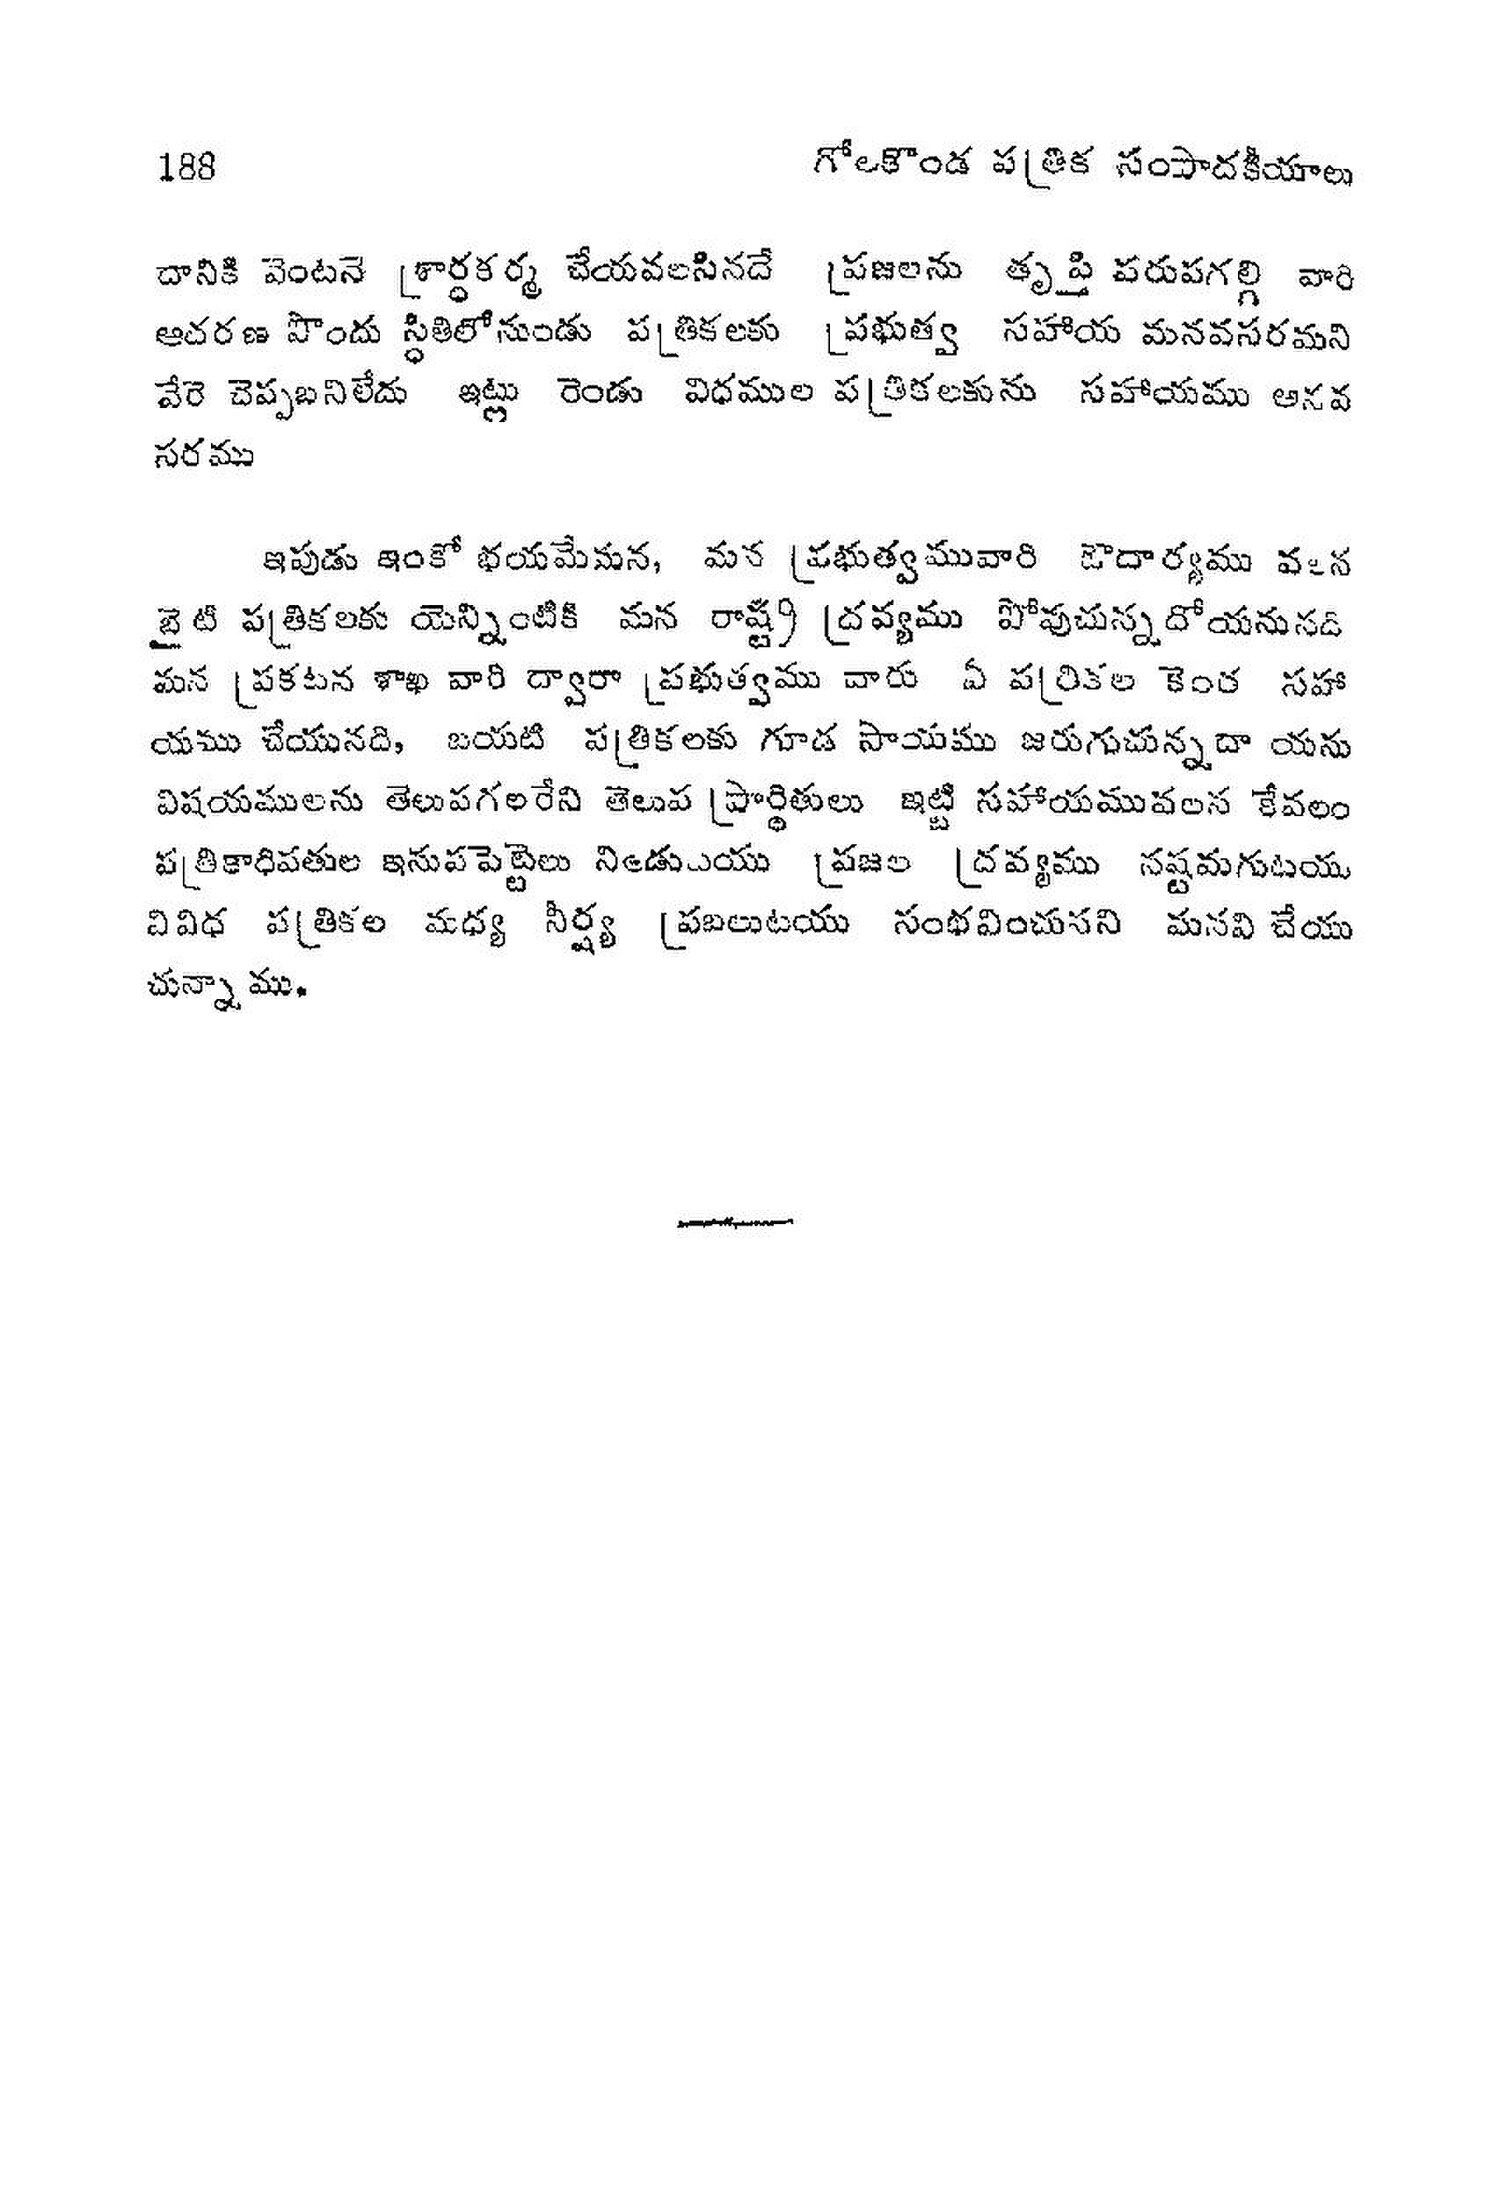దానికి వెంటనె శ్రార్ధకర్మ చేయవలసినదే ప్రజలను తృప్తి పరుపగల్గి వారి ఆదరణ పొందు స్థితిలోనుండు పత్రికలకు ప్రభుత్వ సహాయ మనవసరమని వేరె చెప్పబనిలేదు ఇట్లు రెండు విధముల పత్రికలకును సహాయము అనవసరము

ఇపుడు ఇంకో భయమేమన, మన ప్రభుత్వమువారి ఔదార్యము వలన బైటి పత్రికలకు యెన్నింటికి మన రాష్ట్ర ద్రవ్యము పోవుచున్నదోయనునది మన ప్రకటన శాఖ వారి ద్వారా ప్రభుత్వము వారు ఏ పత్రికల కెంత సహాయము చేయునది, బయటి పత్రికలకు గూడ సాయము జరుగుచున్నదా యను విషయములను తెలుపగలరేని తెలుప ప్రార్థితులు ఇట్టి సహాయమువలన కేవలం పత్రికాధిపతుల ఇనుపపెట్టెలు నిండుటయు ప్రజల ద్రవ్యము నష్టమగుటయు వివిధ పత్రికల మధ్య నీర్ష్య ప్రబలుటయు సంభవించునని మనవి చేయు చున్నాము.